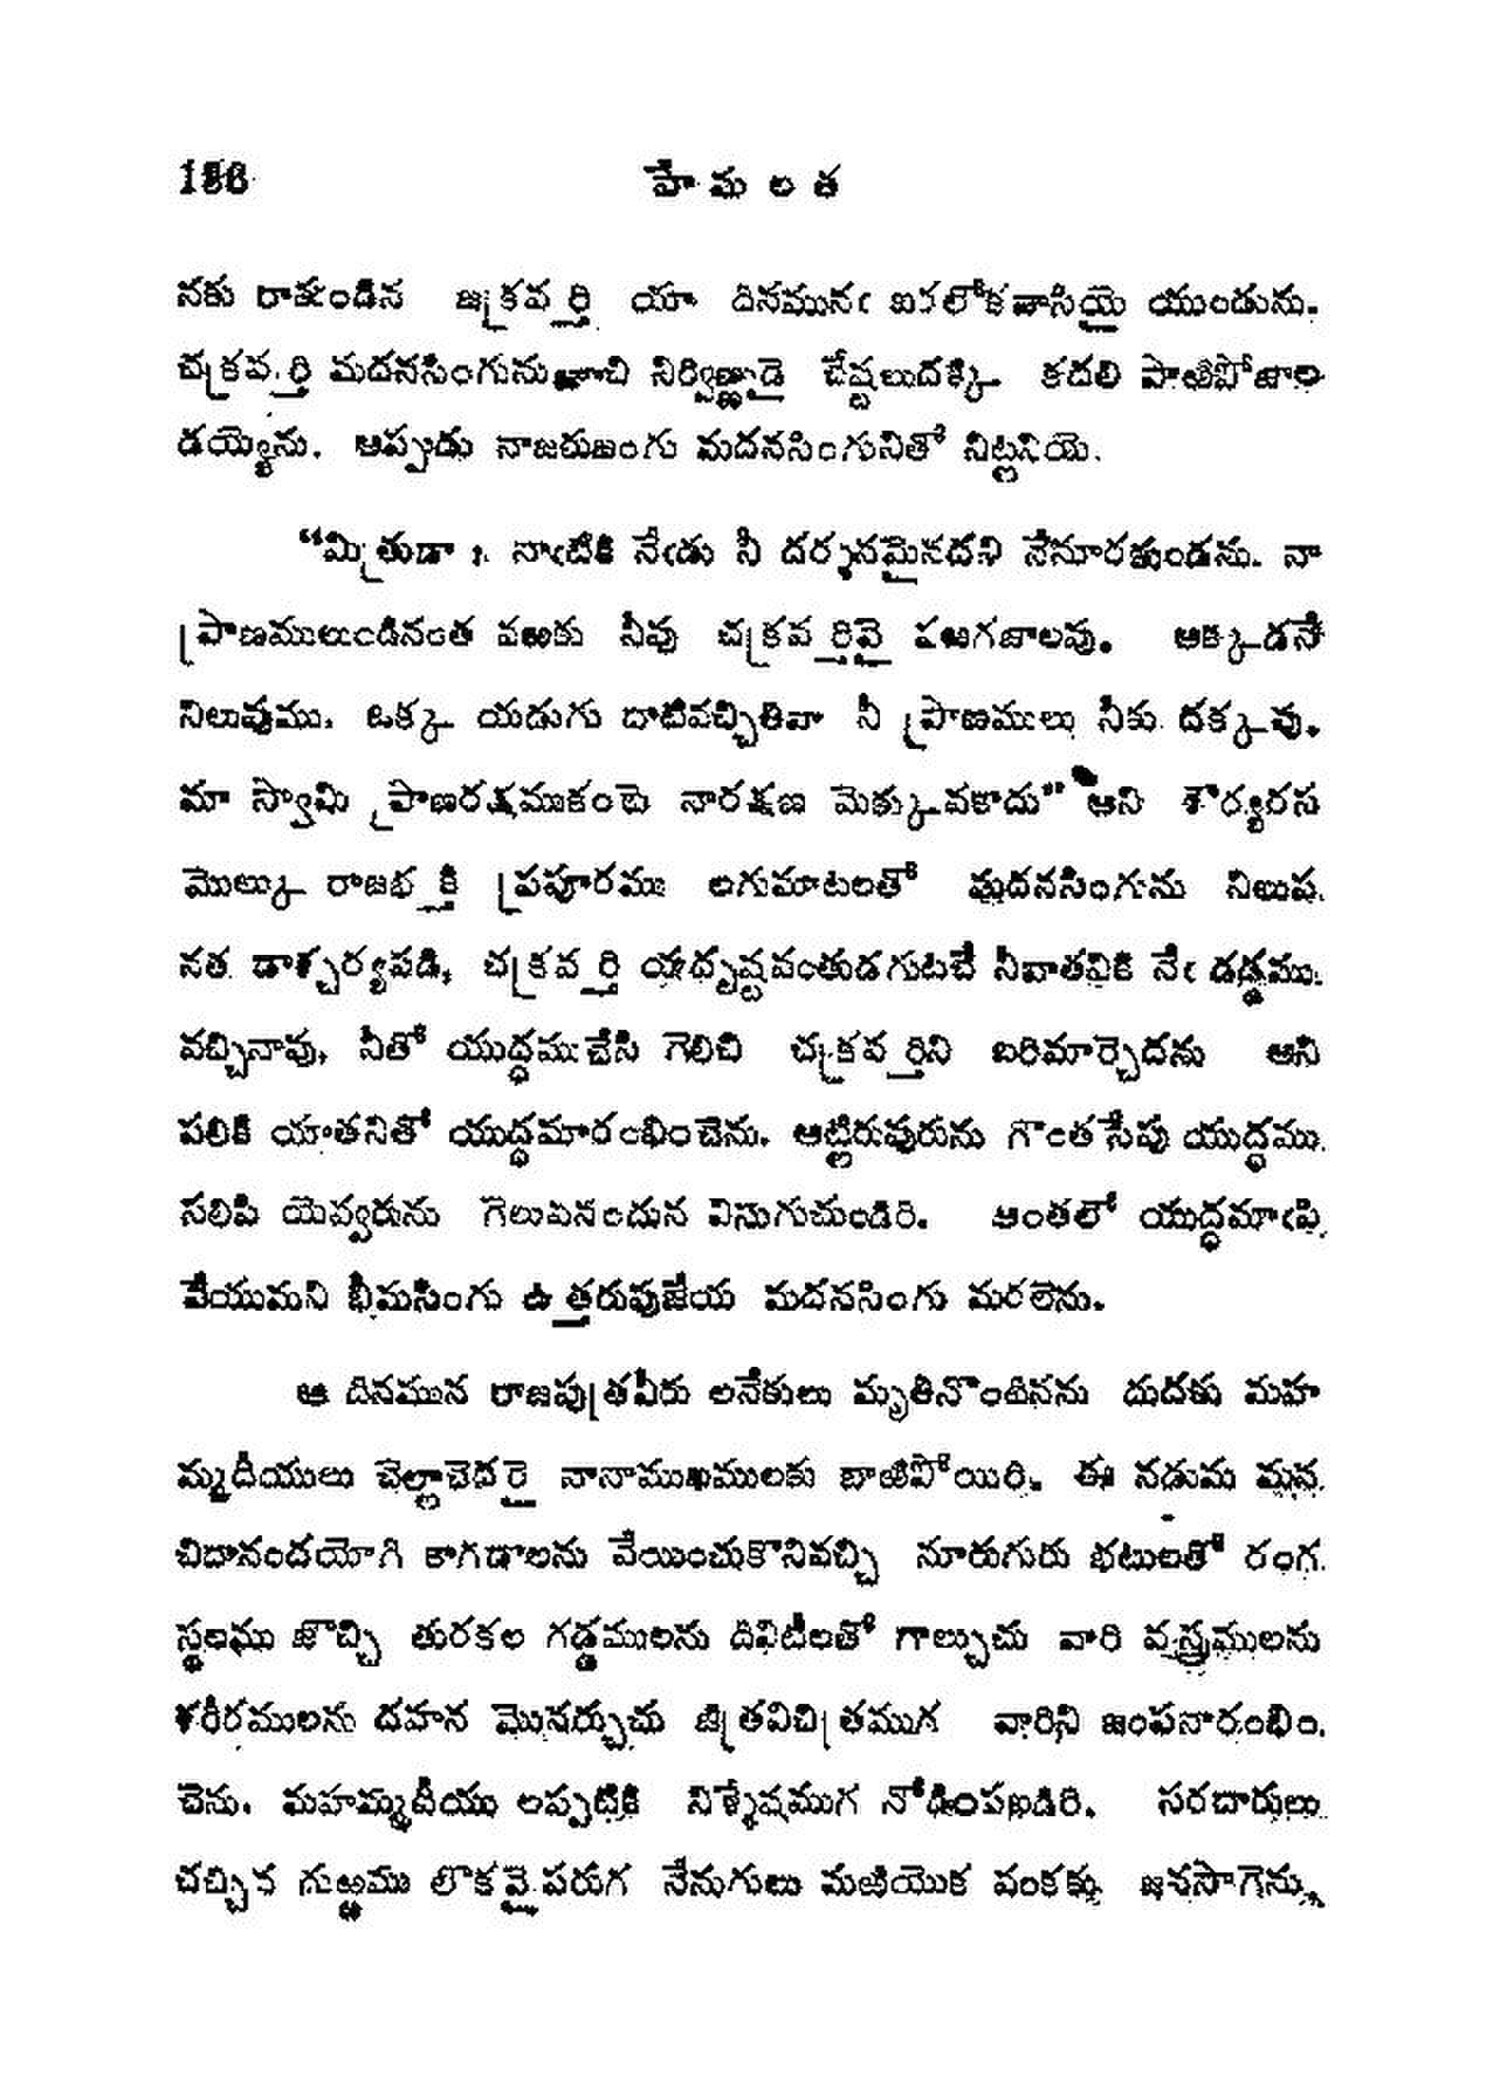నకు రాకుండిన జక్రవర్తి యా దినమునఁ బరలోక వాసియై యుండును. చక్రవర్తి మదనసింగును జూచి నిర్విణ్ణుడై చేష్టలుదక్కి కదలి పాఱిపోజాల డయ్యెను. అప్పుడు నాజరుజంగు మదనసింగునితో నిట్లనియె.

“మిత్రుడా! నాఁటికి నేఁడు నీ దర్శనమైనదని నేనూరకుండను. నా ప్రాణములుండినంత వఱకు నీవు చక్రవర్తిపై పఱగజాలవు. అక్కడనే నిలువుము. ఒక్క యడుగు దాటివచ్చితివా నీ ప్రాణములు నీకు దక్కవు. మా స్వామి ప్రాణరక్షముకంటె నారక్షణ మెక్కువకాదు” అని శౌర్యరసమొల్కు రాజభక్తి ప్రపూరము లగుమాటలతో మదనసింగును నిలుప, నత డాశ్చర్యపడి, చక్రవర్తి యదృష్టవంతుడగుటచే నీవాతనికి నేఁ డడ్డము వచ్చినావు. నీతో యుద్ధము చేసి గెలిచి చక్రవర్తిని బరిమార్చెదను అని పలికి యాతనితో యుద్ధమారంభించెను. అట్లిరువురును గొంత సేపు యుద్ధము సలిపి యెవ్వరును గెలువనందున విసుగుచుండిరి. అంతలో యుద్ధమాఁపి వేయుమని భీమసింగు ఉత్తరువుజేయ మదనసింగు మరలెను.

ఆ దినమున రాజపుత్రవీరు లనేకులు మృతినొందినను దుదకు మహమ్మదీయులు చెల్లాచెదరై నానాముఖములకు బాఱిపోయిరి. ఈ నడుమ మన చిదానందయోగి కాగడాలను వేయించుకొనివచ్చి నూరుగురు భటులతో రంగస్థలము జొచ్చి తురకల గడ్డములను దివిటీలతో గాల్చుచు వారి వస్త్రములను శరీరములను దహన మొనర్చుచు జిత్రవిచిత్రముగ వారిని జంపనారంభించెను. మహమ్మదీయు లప్పటికి నిశ్శేషముగ నోడింపబడిరి. సరదారులు, చచ్చిన గుఱ్ఱము లొక వైపరుగ నేనుగులు మఱియొక వంకకు జనసాగెను.